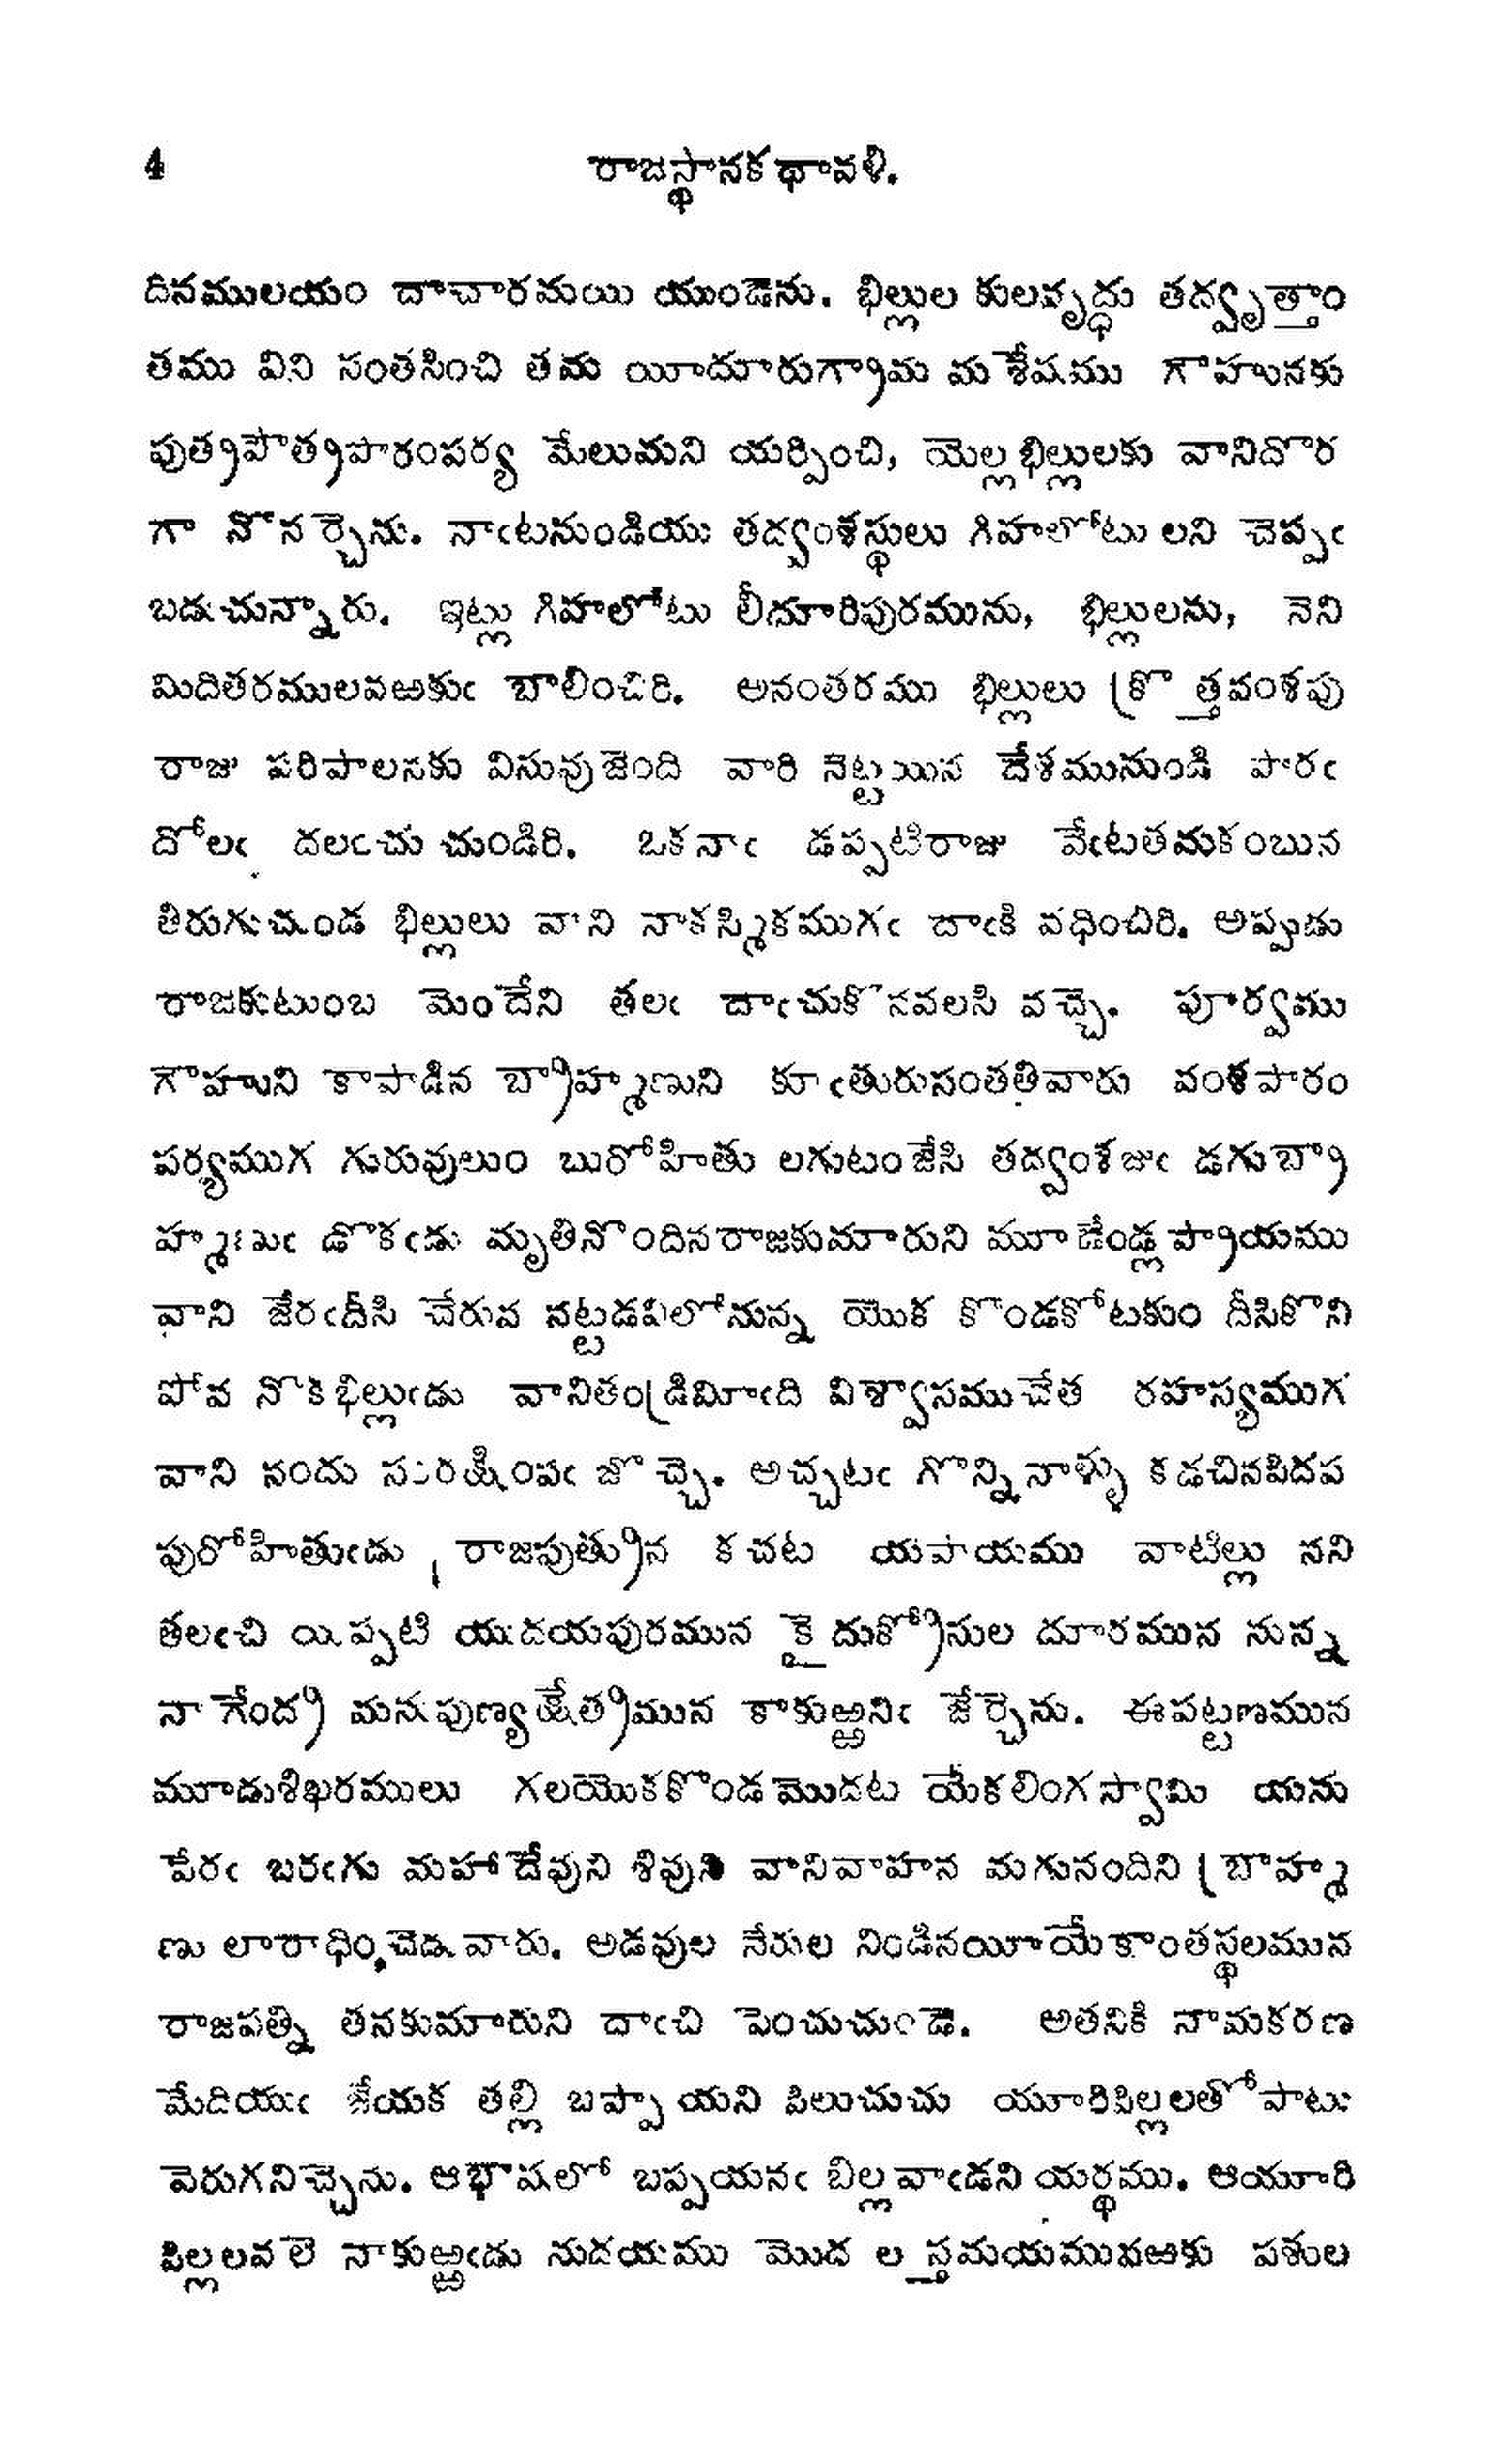దినములయం దాచారమయి యుండెను. భిల్లుల కులవృద్ధు తద్వృత్తాంతము విని సంతసించి తమ యీదూరుగ్రామ మశేషము గౌహునకు పుత్ర పౌత్ర పారంపర్య మేలుమని యర్పించి, యెల్ల బిల్లులకు వానిదొరగా నొనర్చెను. నాఁటనుండియు తద్వంశస్థులు గిహలోటు లని చెప్పఁ బడుచున్నారు. ఇట్లు గిహలోటు లీదూరిపురమును, భిల్లులను, నెనిమిదితరముల వఱకుఁ బాలించిరి. అనంతరము భిల్లులు క్రొత్త వంశపు రాజు పరిపాలనకు విసువు జెంది వారి నెట్టయిన దేశమునుండి పారఁదోలఁ దలఁచు చుండిరి. ఒకనాఁ డప్పటి రాజు వేటతమకంబున తిరుగుచుండ భిల్లులు వాని నాకస్మికముగఁ దాఁకి వధించిరి. అప్పుడు రాజకుటుంబ మెందేని తలఁ దాఁచుకొనవలసి వచ్చె. పూర్వము గౌహుని కాపాడిన బాహ్మణుని కూఁతురు సంతతివారు. వంశపారం పర్యముగ గురువులుం బురోహితు లగుటం జేసి తద్వంశజుఁ డగుబ్రాహ్మణుఁ డొకఁడు మృతినొందిన రాజకుమారుని మూడేండ్ల ప్రాయము వాని జేరఁదీసి చేరువ నట్టడవిలోనున్న యొక కొండకోటకుం దీసికొని పోవ నొక భిల్లుఁడు వానితండ్రిమిఁది విశ్వాసము చేత రహస్యముగ వాని నందు సంరక్షింపఁ జొచ్చె. అచ్చటఁ గొన్ని నాళ్ళు కడచిన పిదప పురోహితుఁడు రాజపుత్రున కచట యపాయము వాటిల్లు నని తలఁచి యిప్పటి యుదయపురమున కై దుక్రోసుల దూరమున నున్న నాగేంద్ర మను పుణ్య క్షేతమున కాకుఱ్ఱని జేర్చెను. ఈ పట్టణమున మూడు శిఖరములు గలయొక కొండ మొదట యేక లింగ స్వామి యను పేరఁ బరఁగు మహా దేవుని శివుని వానివాహన మగునందిని బ్రాహ్మణు లారాధించెడు వారు. అడవుల నేరుల నిండినయీ యేకాంత స్థలమున రాజపత్ని తనకుమారుని దాఁచి'పెంచుచుండె.అతనికి నామకరణ మేదియు జేయక తల్లి బప్పా యని పిలుచుచు యూరిపిల్లలతో పాటు పెరుగ నిచ్చెను. ఆ భాషలో బప్పయనఁ బిల్ల వాఁడని యర్థము. ఆయూరి పిల్లలవలె నాకుఱ్ఱఁడు నుదయము మొద ల స్తమయమువఱకు పశుల